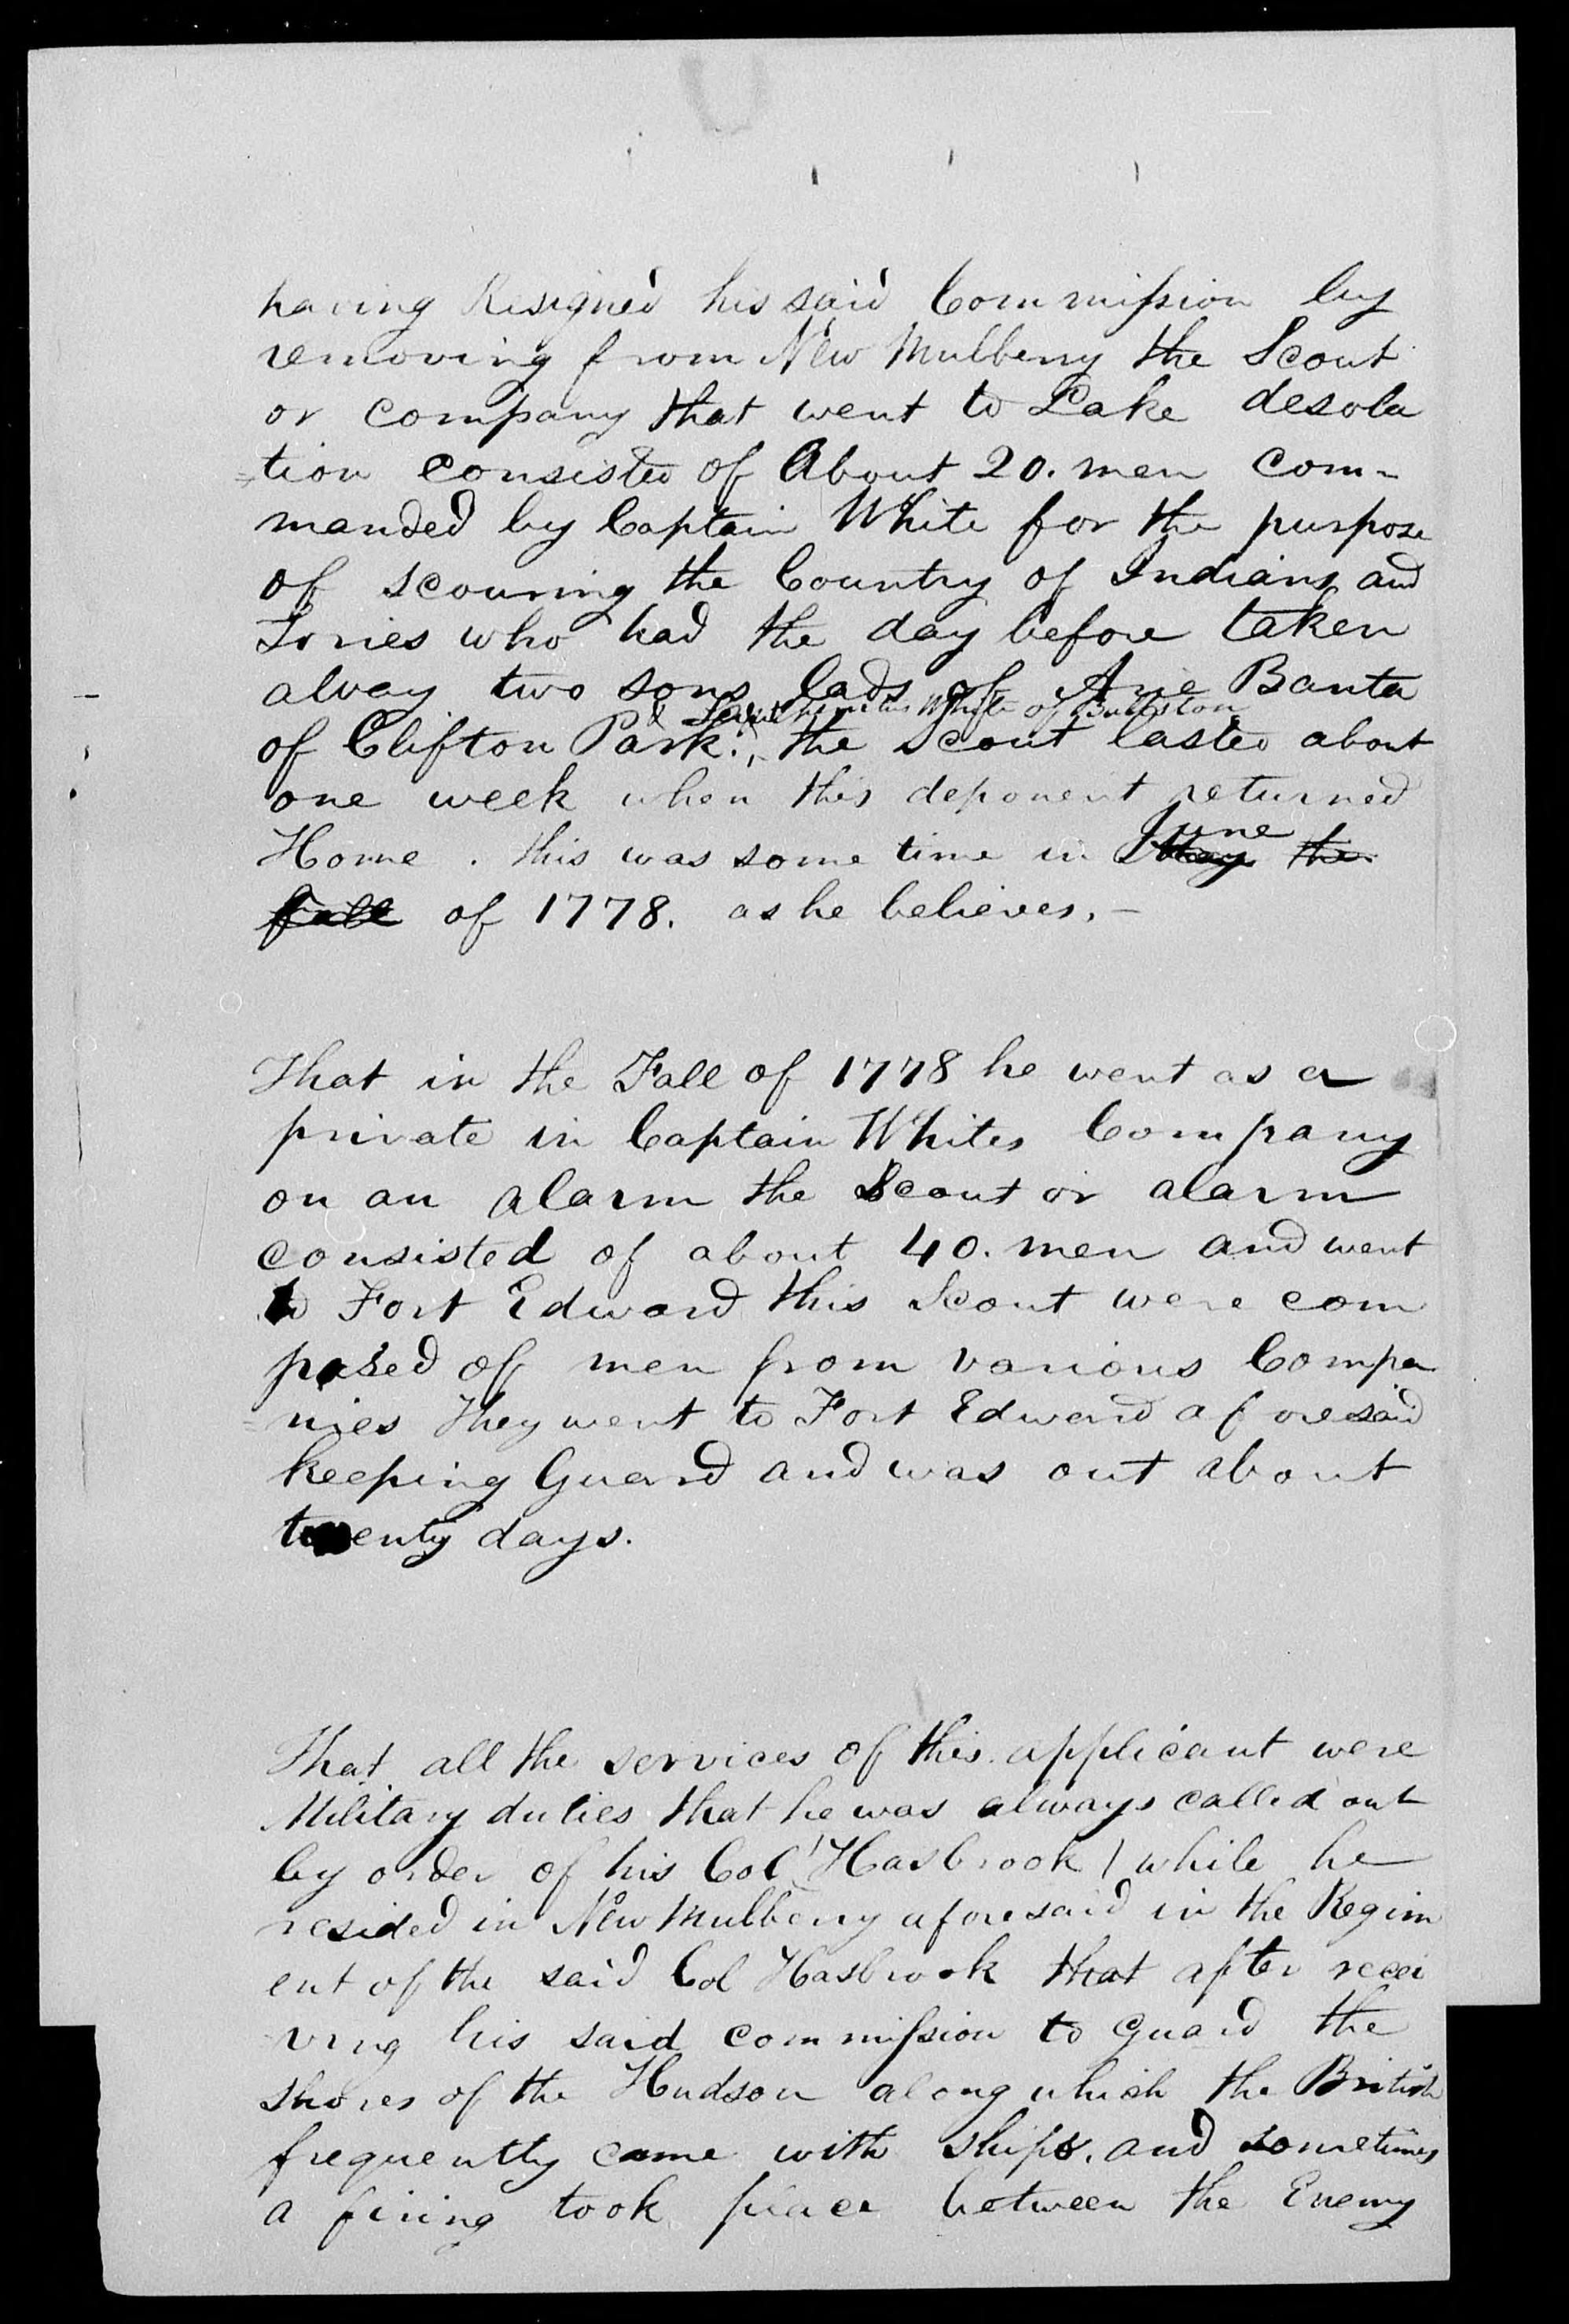having resigned his said Commission by removing from New Mulberry the Scout or company that went to Lake
desolation consisted of about 20 men commanded by Captain White for the purpose of scouring the County of Indians and Tories who had the day before taken away two sons lads of Arie Banta of Clifton Park [illegible] White of Ballson.  the Scout lasted about one week when this deponent returned Home. this was some time in the fall of 1778. as he believes,-
That in the Fall of 1778 he went as a
private in Captain Whites Company
on an alarm the Scout or alarm
consisted of about 40 men and went
to Fort Edward this scout were composed of men from various Companies they went to Fort Edward aforesaid keeping guard and was out about twenty days
That all the services of this applicant were Military duties that he was always called out by order of his Col Hasbrook  (while he resided in New Mulberry aforesaid in the Regiment of the said Col Hasbrook that after receiving his said commission to guard the shores of the Hudson along which the British  frequently come with ships, and sometimes a firing took place between the Enemy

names: [BLANK] White; [BLANK] Hasbrook; Clifton Park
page: 12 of 25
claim: survivor's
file: S. 13668, for John Knowlton, New York